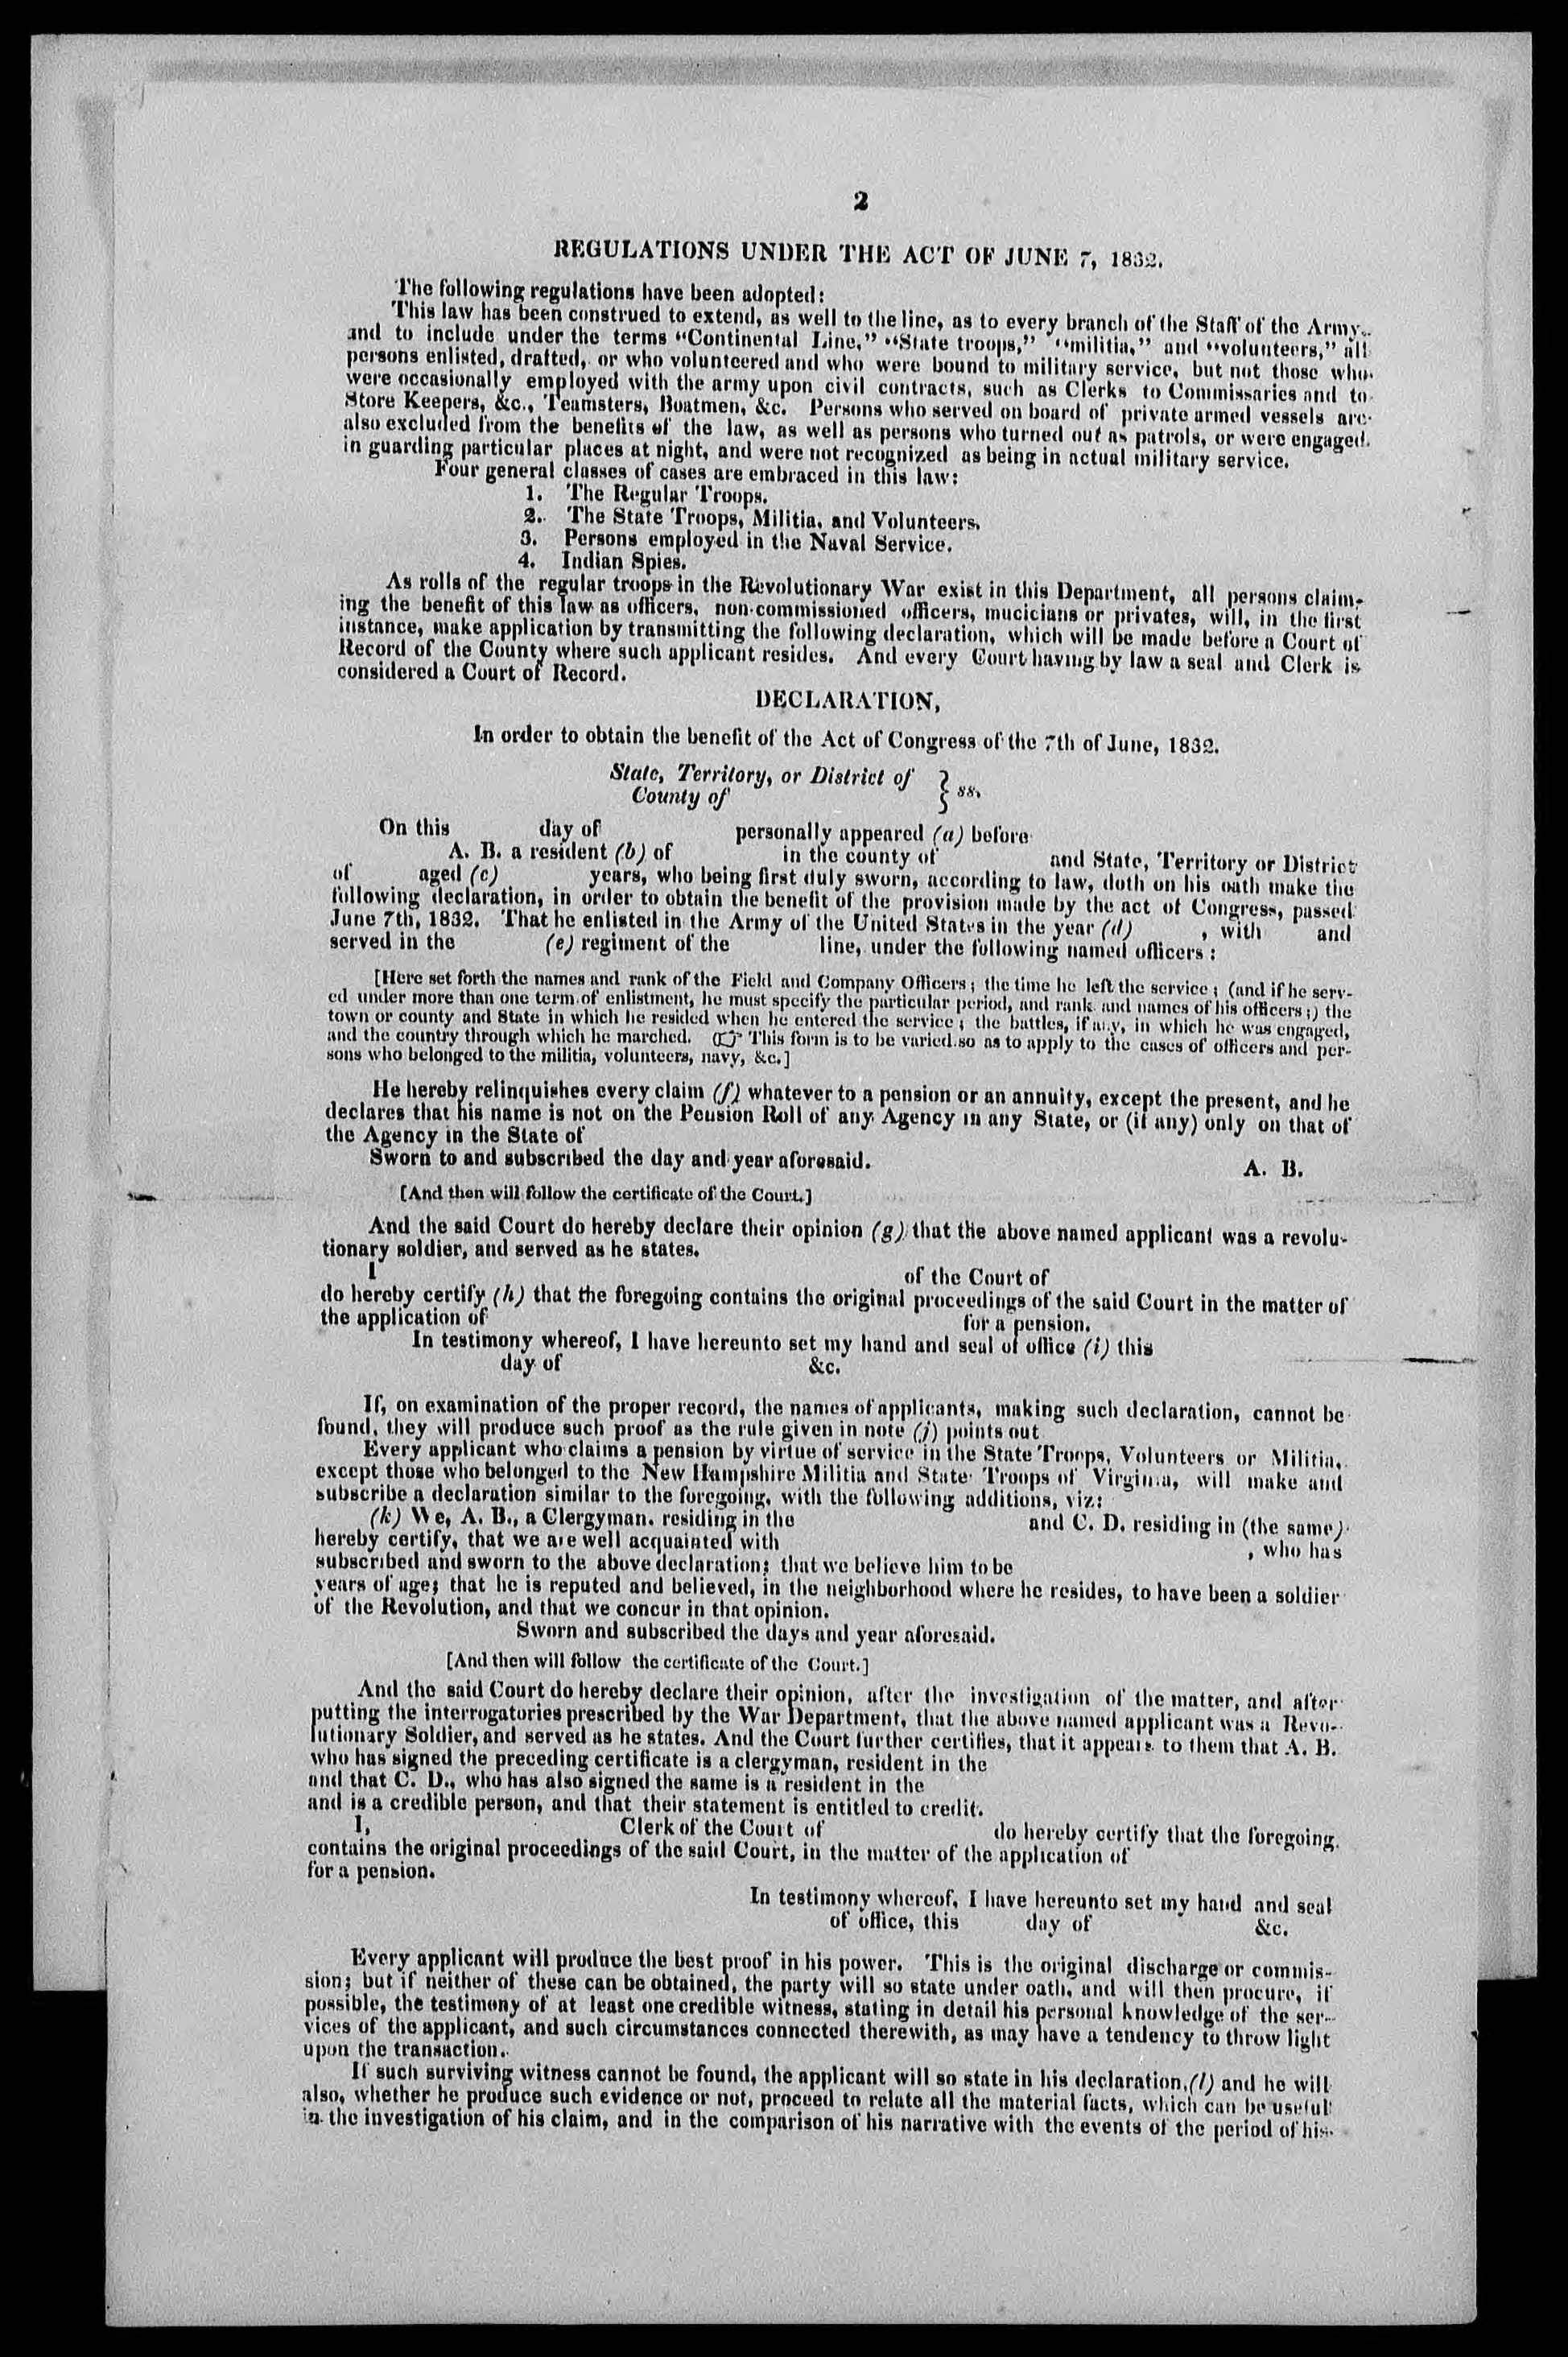2
REGULATIONS UNDER THE ACT OF JUNE 7, 1832.

The following regulations have been adopted:
This law has been construed to extend, as well to the line, as to every branch of the Staff of the Army and to include under the terms "Continental Line," "State troops," "militia," and "volunteers," all persons enlisted, drafted, or who volunteered and who were bound to military service, but not those who were occasionally employed with army upon civil contracts, such as Clerks to Commissaries and to Store Keepers, &c., Teamsters, Boatmen, &c. Persons who served on board of private armed vessels are also excluded from the benefits of the law, as well as persons who turned out as patrols, or were engaged, in guarding particular places at night, and were not recognized as being in actual military service.
Four general classes of cases are embraced in this law:
1. The Regular Troops.
2. The State Troops, Militia, and Volunteers.
3. Persons employed in the Naval Service.
4. Indian Spies.
As rolls of the regular troops in the Revolutionary War exist in this Department, all persons claiming the benefit of this law as officers. non commissioned officers, mucicians or privates, will, in the first instance, make application by transmitting the following declaration, which will be made before a Court of Record of the County where such applicant resides. And every Court having by law a seal and Clerk is considered a Court of Record.

DECLARATION,

In order to obtain the benefit of the Act of Congress of the 7th of June, 1832.
State, Territory, or District of } ss.
County of

On this [Space] day of [Space] personally appeared (a) before
[Space] A. B. a resident (b) of [Space] in the county of [Space] and State, Territory or District following declaration, in order to obtain the benefit of the provision made by the act of Congress, passed June 7th, 1832. That he enlisted in the Army of the United States in the your (d) [Space], with [Space] and served in the [Space] (e) regiment of the [Space] line, under the following named officers:

[Here set forth the names and rank of the Field and Company Officers; the time he left the service; (and if he served under more than one term of enlistment, he must specify the particular period, and rank and names of his officers;) the town or county and State in which he resided when he entered the service; the battles, if any, in which he was engaged, and the country through which he marched. >This form is to be varied so as to apply to the case of officers and persons who belonged to the militia, volunteers, navy, &c.]

He hereby relinquishes every claim (f) whatever to a pension or an annuity, except the present, and he declares that his name is not on the Pension Roll of any Agency in any State, or (if any) only on that of the Agency in the State of
Sworn to and subscribed the day and year aforesaid [Space] A. B.
[And then will follow the certificate of the Court]
And the said Court do hereby declare their opinion (g) that the above named applicant was a revolutionary soldier, and served as he states.
I [Space] of the Court of
do hereby certify (h) that the foregoing contains the original proceedings of the said Court in the matter of the application of [Space] for a pension.
In the testimony whereof, I have hereunto se my hand and seal of office (i) this
[Space] day of [Space] &c.

If, on examination of the proper record, the names of applicants, making such declaration, cannot be found, they will produce such proof as the rule given in note (j) points out.
Every applicant who claims a pension by virtue of service in the State Troops, Volunteers or Militia, except those who belonged to the New Hampshire Militia and State Troops of Virgina, will make and subscribe a declaration similar to the foregoing, with the following addition, viz:
(k) We, A. B., a Clergyman, residing in the [Space] and C. D. residing in (the same) hereby certify, that we are well acquainted with [Space] , who has subscribed and sworn to the above declaration; that we believe him to be
years of age; that he is reputed and believed, in the neighborhood where he resides, to have been a soldier of the Revolution, and that we concur in that opinion.
Sworn and subscribed the days and years aforesaid.
[And then will follow the certificate of the Court.]
And the said Court do hereby declare their opinion, after the investigation of the matter, and after putting the interrogatories prescribed by the War Department, that the above named applicant was a Revolutionary Soldier, and served as he states. And the Court further certifies, that it appears to them that A. B. who has signed the preceding certificate is a clergyman, resident in the
and that C. D., who has also signed the same is a resident in the
and is a credible person, and that their statement is entitled to credit.
I, [Space] Clerk of the Court of [Space] do hereby certify that the foregoing contains the original proceedings of the said Court, in the matter of the application of
for a pension.

[Space] In testimony whereof, I have herunto set my hand and seal [Space] of office, this [Space] day of [Space] &c.

Every applicant will produce the best proof in his power. This is the original discharge or commission; but if neither of these can be obtained, the party will so state under oath, and will then procure, if possible, the testimony of at least one credible witness, stating in detail his personal knowledge of the services of the applicant, and such circumstances connected therewith, as may have a tendency to throw light upon the transaction.
If such surviving witness cannot be found, the applicant will so state in his declaration, (l) and he will also, whether he produce such evidence or not, proceed to relate all the material facts, which can be useful in the investigation of his claim, and in the comparison of his narrative with the events of the period of his-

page: 11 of 33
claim: rejected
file: R 10439, for William Taylor, North Carolina